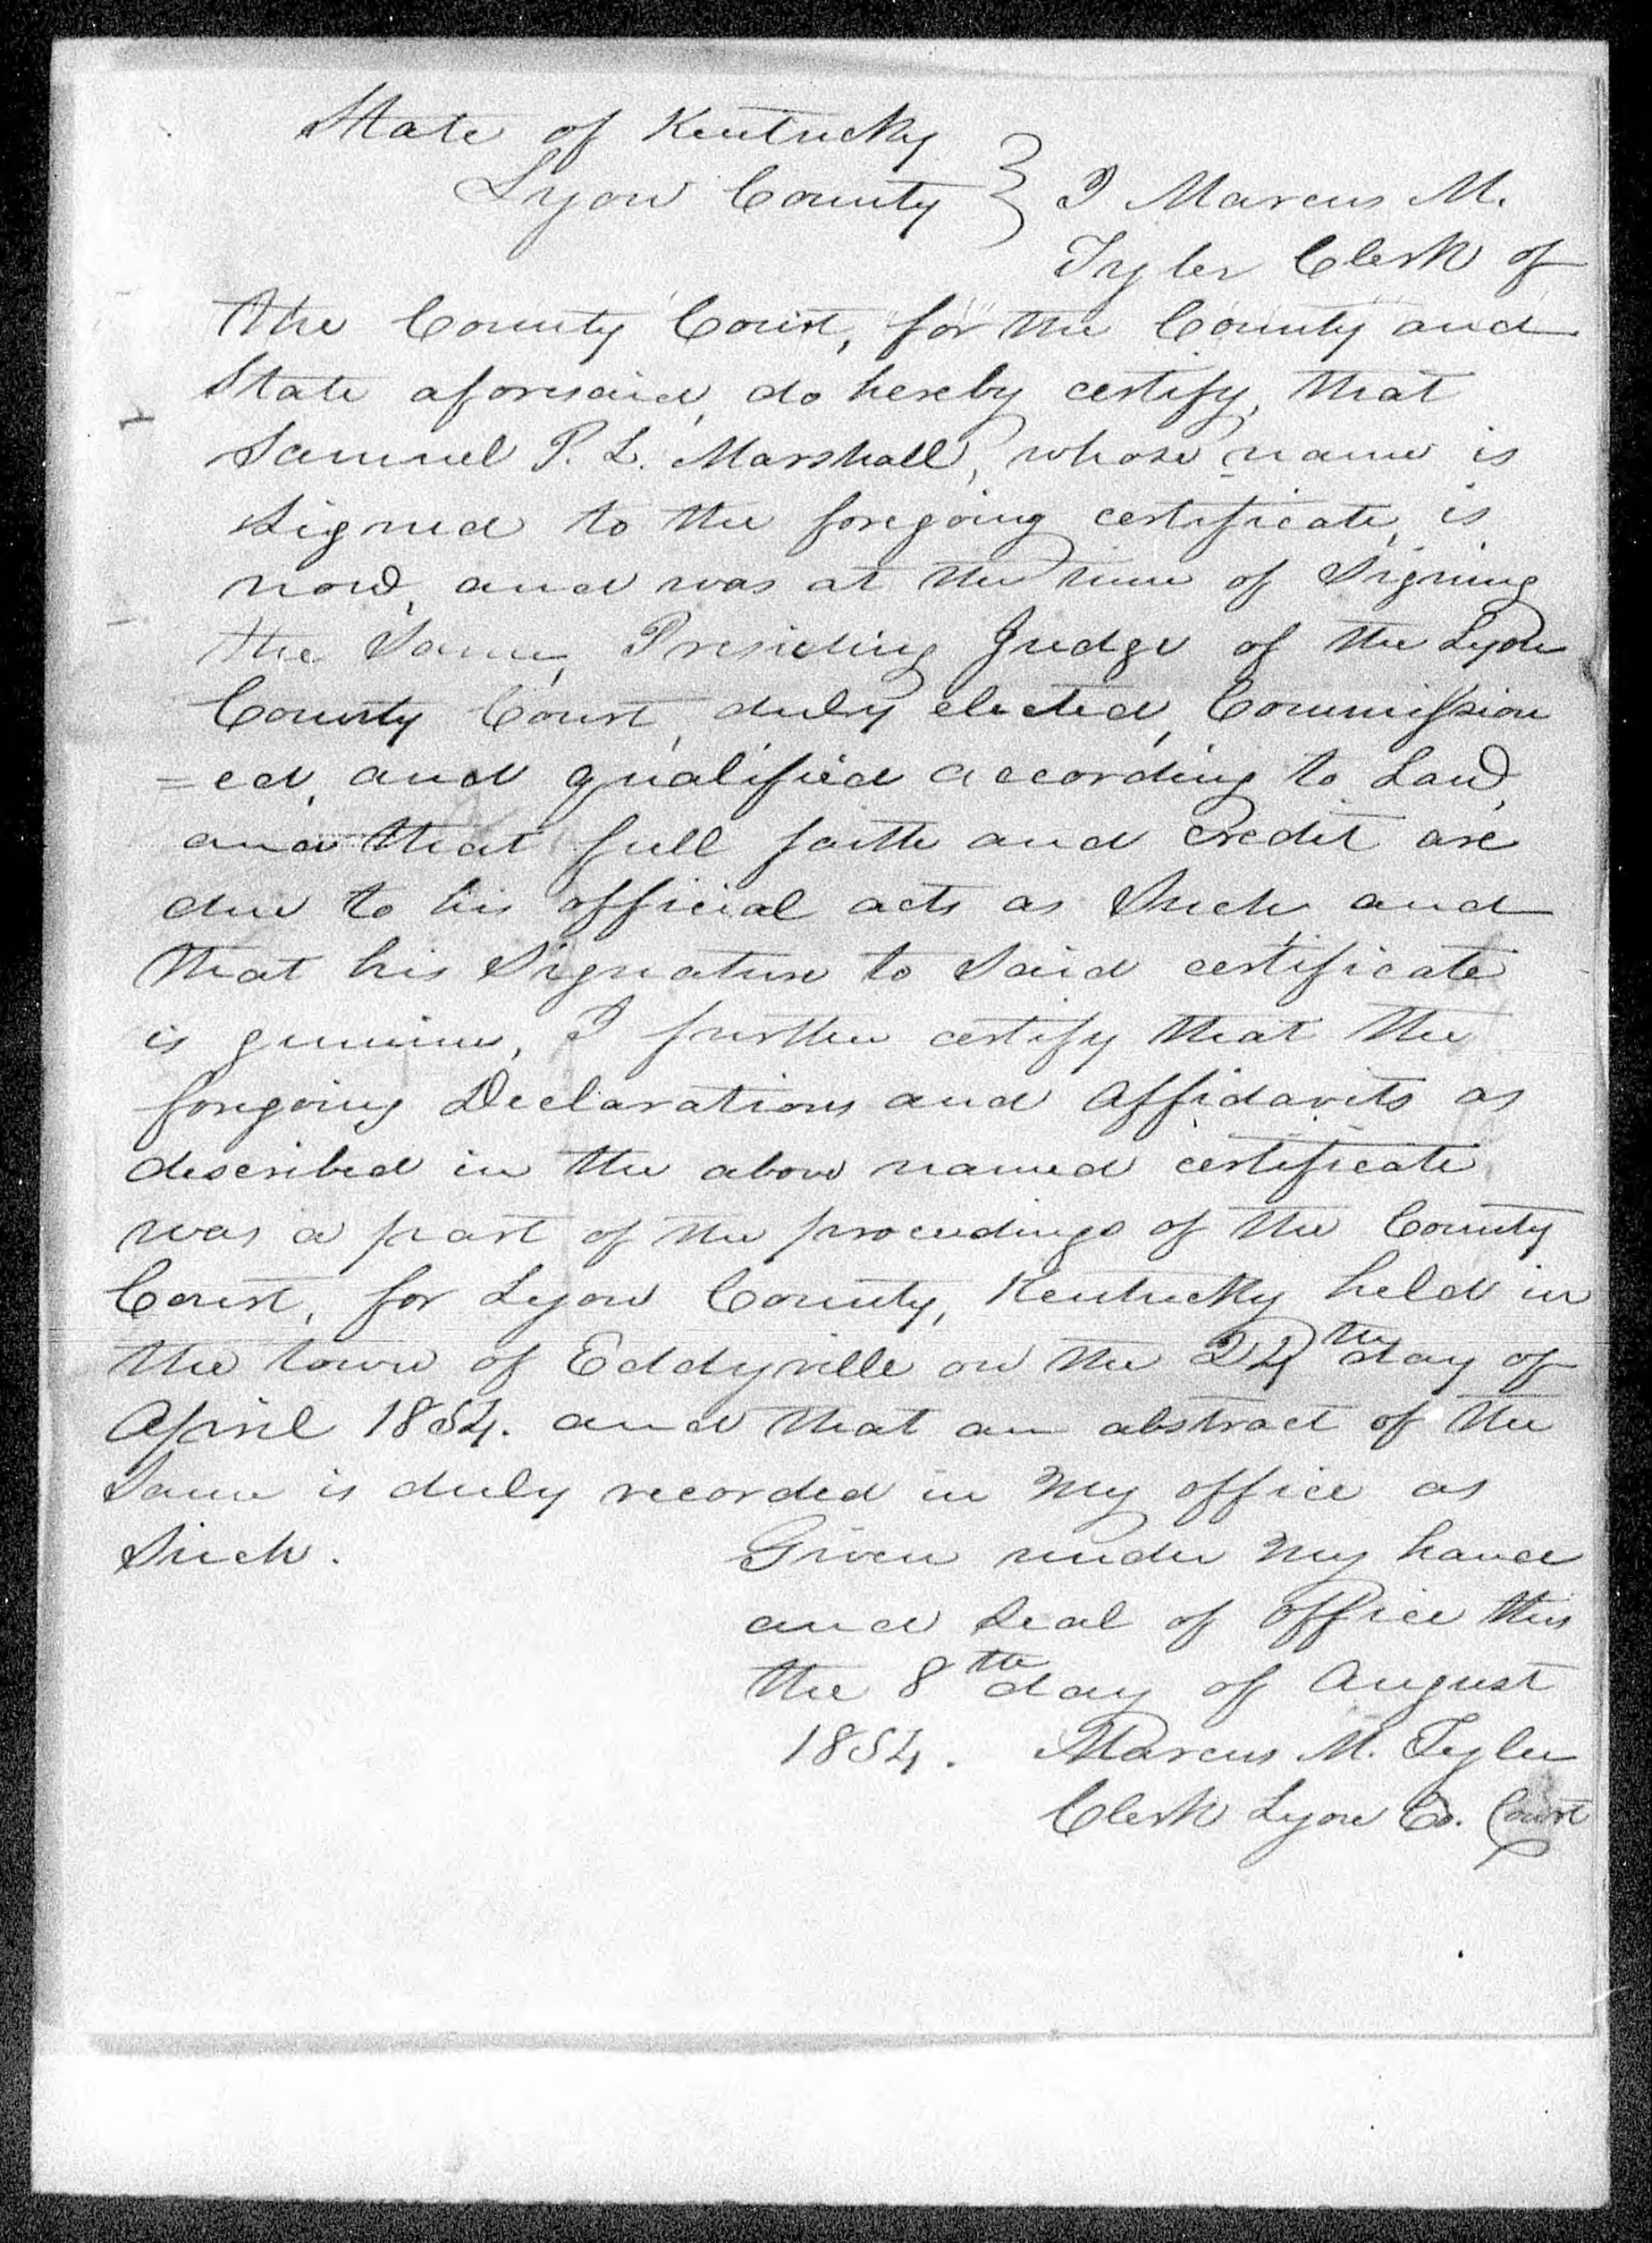State of Kentucky}
Lyon County     }
I Marcus M. Tyler Clerk of the County Court for the County and State aforesaid, do hereby certify that Samuel P. L. Marshall, whose name is Signed to the foregoing certificate is now and was at the time of signing the same, Presiding Judge of the Lyon County Court, duly elected, Commissioned, and qualified according to Law, and that full faith and credit are due to his official acts as Such and that his Signature to Said certificate is genuine. I further certify that the foregoing Declarations and affidavits as described in the above named certificate was a part of the proceedings of the County Court, for Lyon County, Kentucky held in the town of Eddyville on the 24th day of April 1854, and that an abstract of the Same is duly recorded in my office as such.
Given under my hand and seal of office this the 8th day of August 1854.  Marcus M Tyler
Clerk Lyon Co. Court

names: Samuel P L Marshall, Marcus M Tyler, Marcus M Tyler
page: 75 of 75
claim: widow's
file: W. 8876, Thomas Gregory, Continental Va